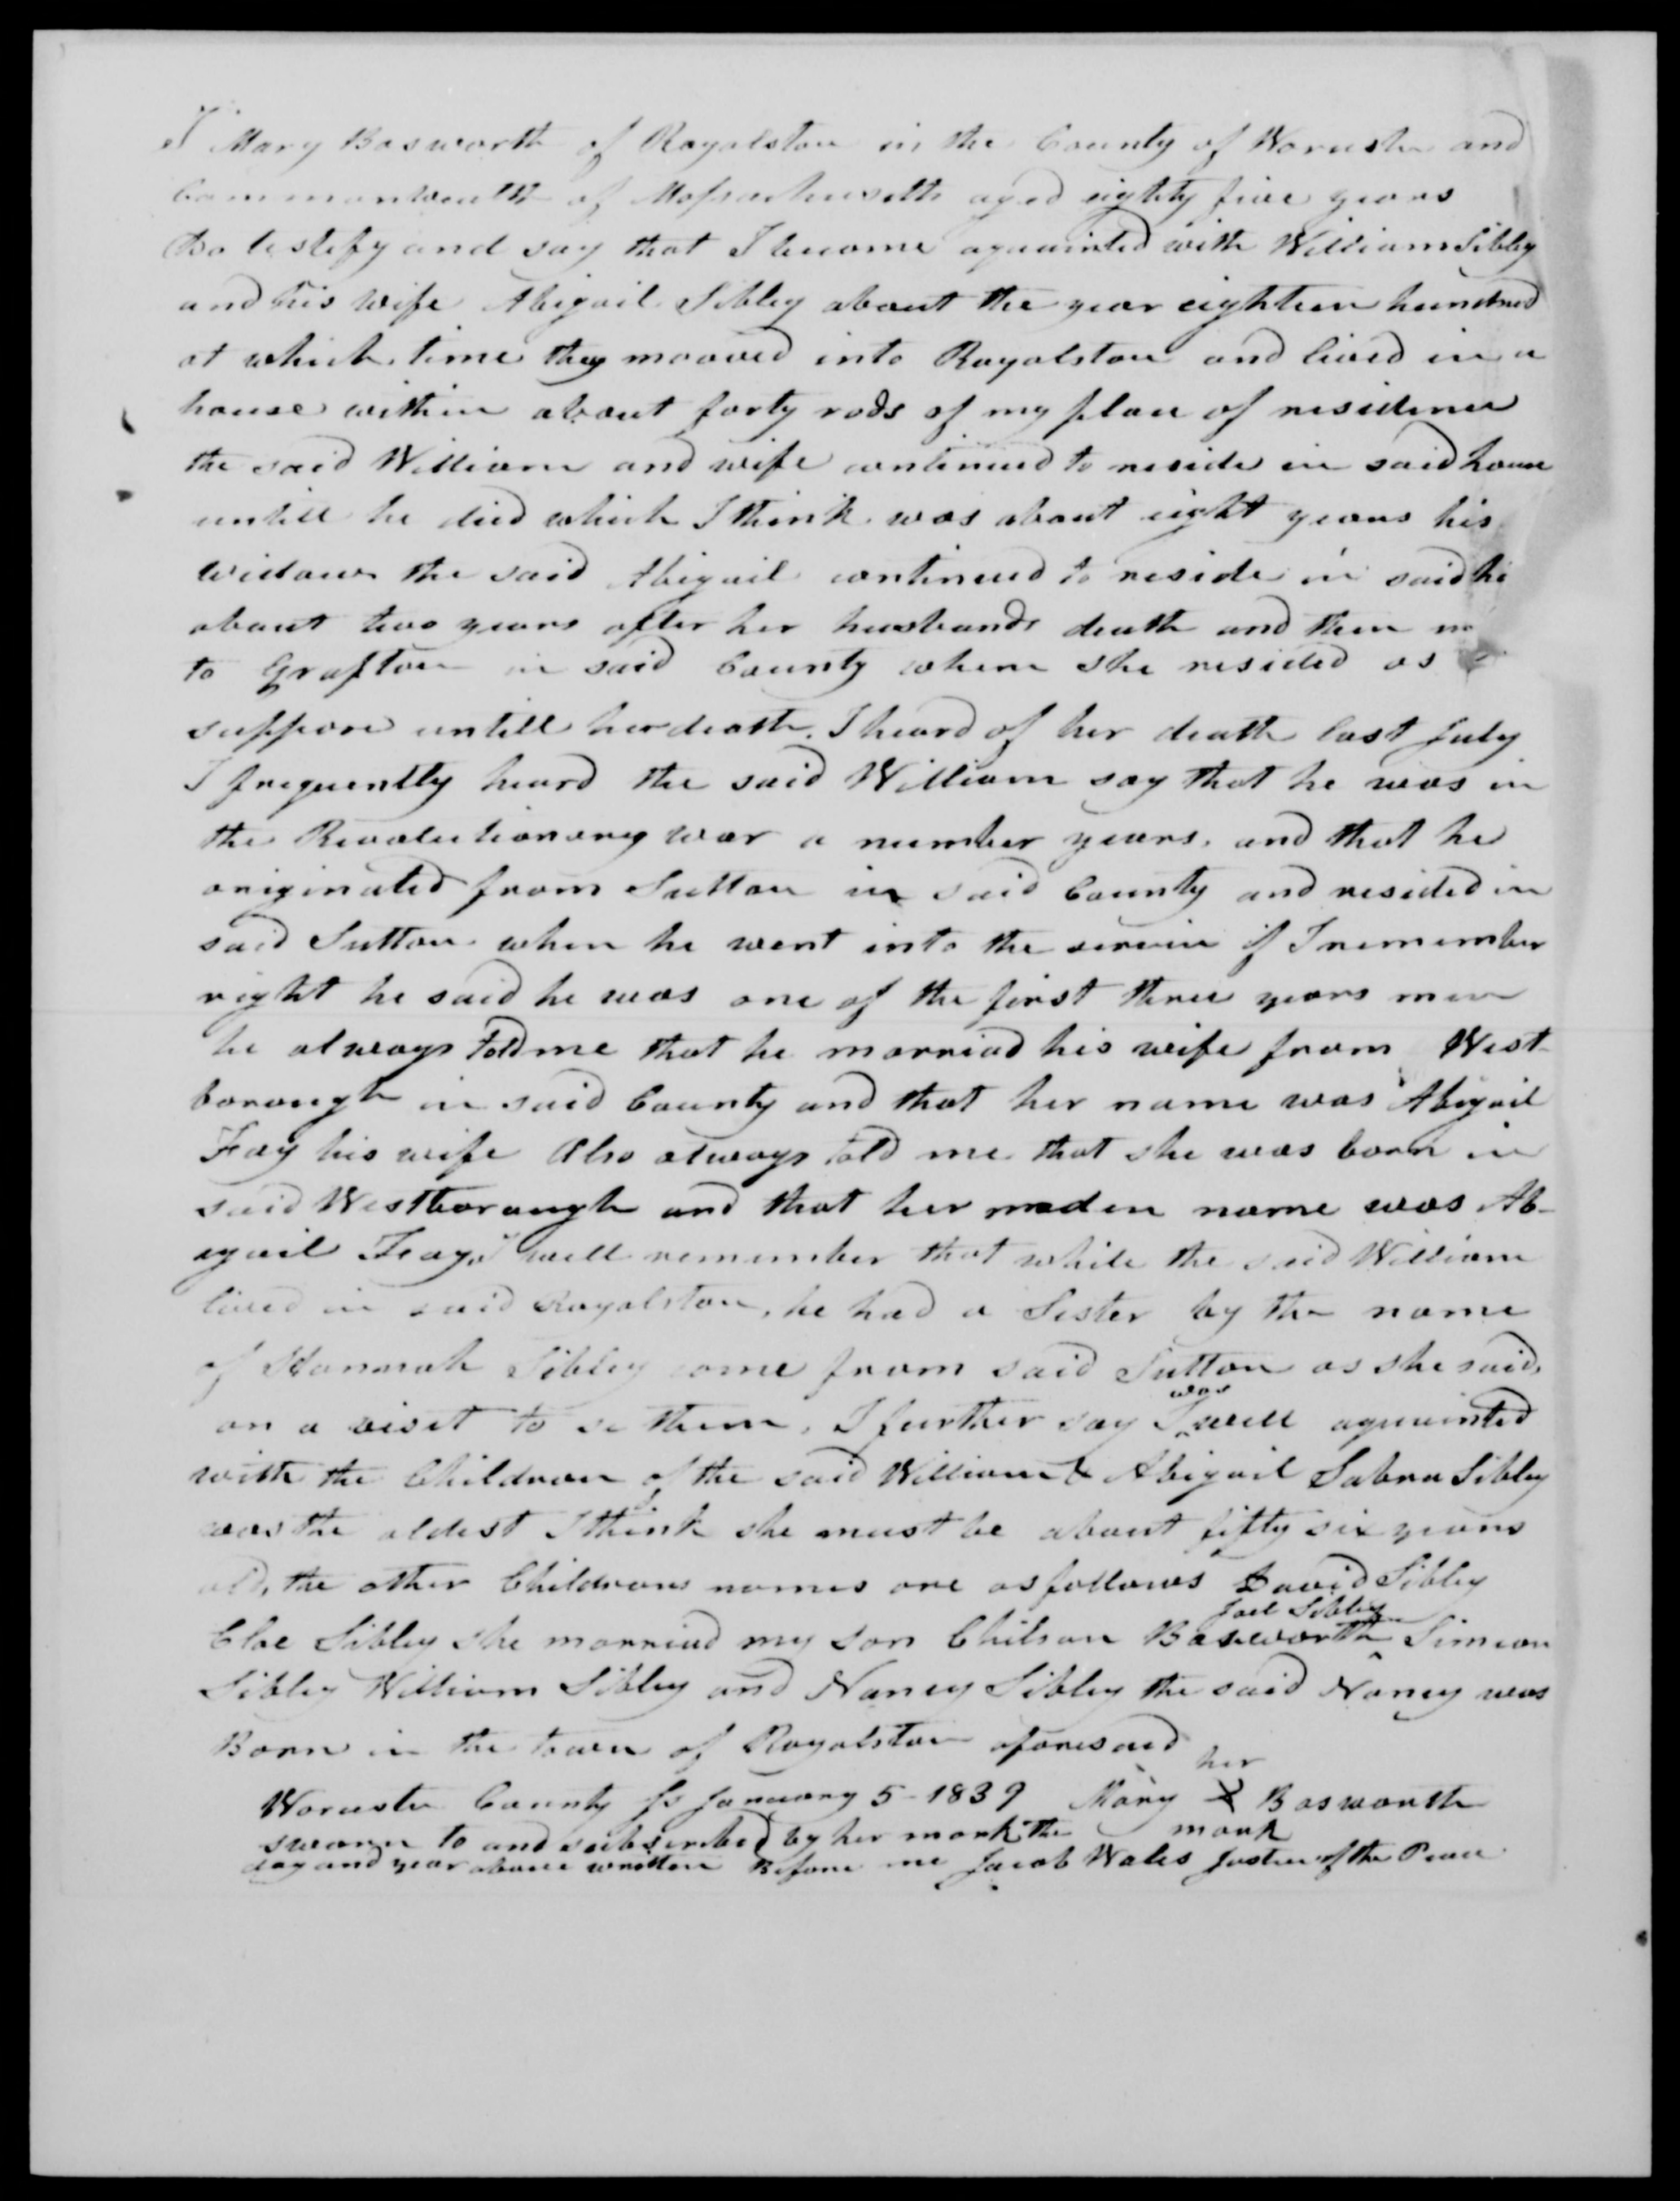I Mary Bosworth of Royalston in the County of Worcester and Commonwealth of Massachusetts aged eighty five years do testify and say that that I became acquainted with William Sibley and his wife Abigail Sibley about the year eighteen hundred at which time they moved into Royalston and lived in a house within about forty rods of my place of residence the said William and wife continued to reside  in said house until he died which I think was about  eight years his widow the said Abigail continued to reside in said [illegible] about two years after her husband's death and then [illegible] to Grafton in said county when she resided as [illegible] untill her death .  I heard of her death last July I frequently heard the said William say that he was in the Revolutionary War a number of years and that he originated from Sutton in said county and resided in said Sutton when he went into the service if I remember right he said he was one of the first three years [Illegible] he always told me that he married his wife from Westborough in said county and that her name was Abigail Fay his wife also always told me that she was born in said Westborough and that her maden  name was Abigail Fay I will remember that while said William lived in said Royalston he had a sister by the name of Hannah Sibley come from said Sutton as she said on a visit to see them.  I further say I was well acquainted with the children of the said William & Abigail Sabra Sibley was the eldest I think she must be about fifty six years old, the other children's names are as follows David Sibley Cloe Sibley she married my son Chilsan Bosworth Joel Sibley Simeon Sibley William Sibley and Nancy Sibley the said Nancy was born in the town of Royalston aforesaid.
Worcester County SS January 5, 1839.  Mary her X mark Bosworth sworn to and subscribed by her mark day and year above written before me Jacob Wales Justice of the Peace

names: William [BLANK]; Mary Bosworth; Simeon Sibley; David Sibley; Abigail Sibley; William [BLANK]; Jacob Wales; Abigail [BLANK]; Nancy [BLANK]; Hannah Sibley; William Sibley; Sabra Sibley; William [BLANK]; Mary Bosworth; William Sibley; Joel Sibley; Abigail Sibley; William Sibley; Abigail Fay; Abigail Fay; Cloe Sibley; Nancy Sibley; [BLANK] Bosworth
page: 15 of 24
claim: widow's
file: W. 15,338, for William Sibley, Massachusetts